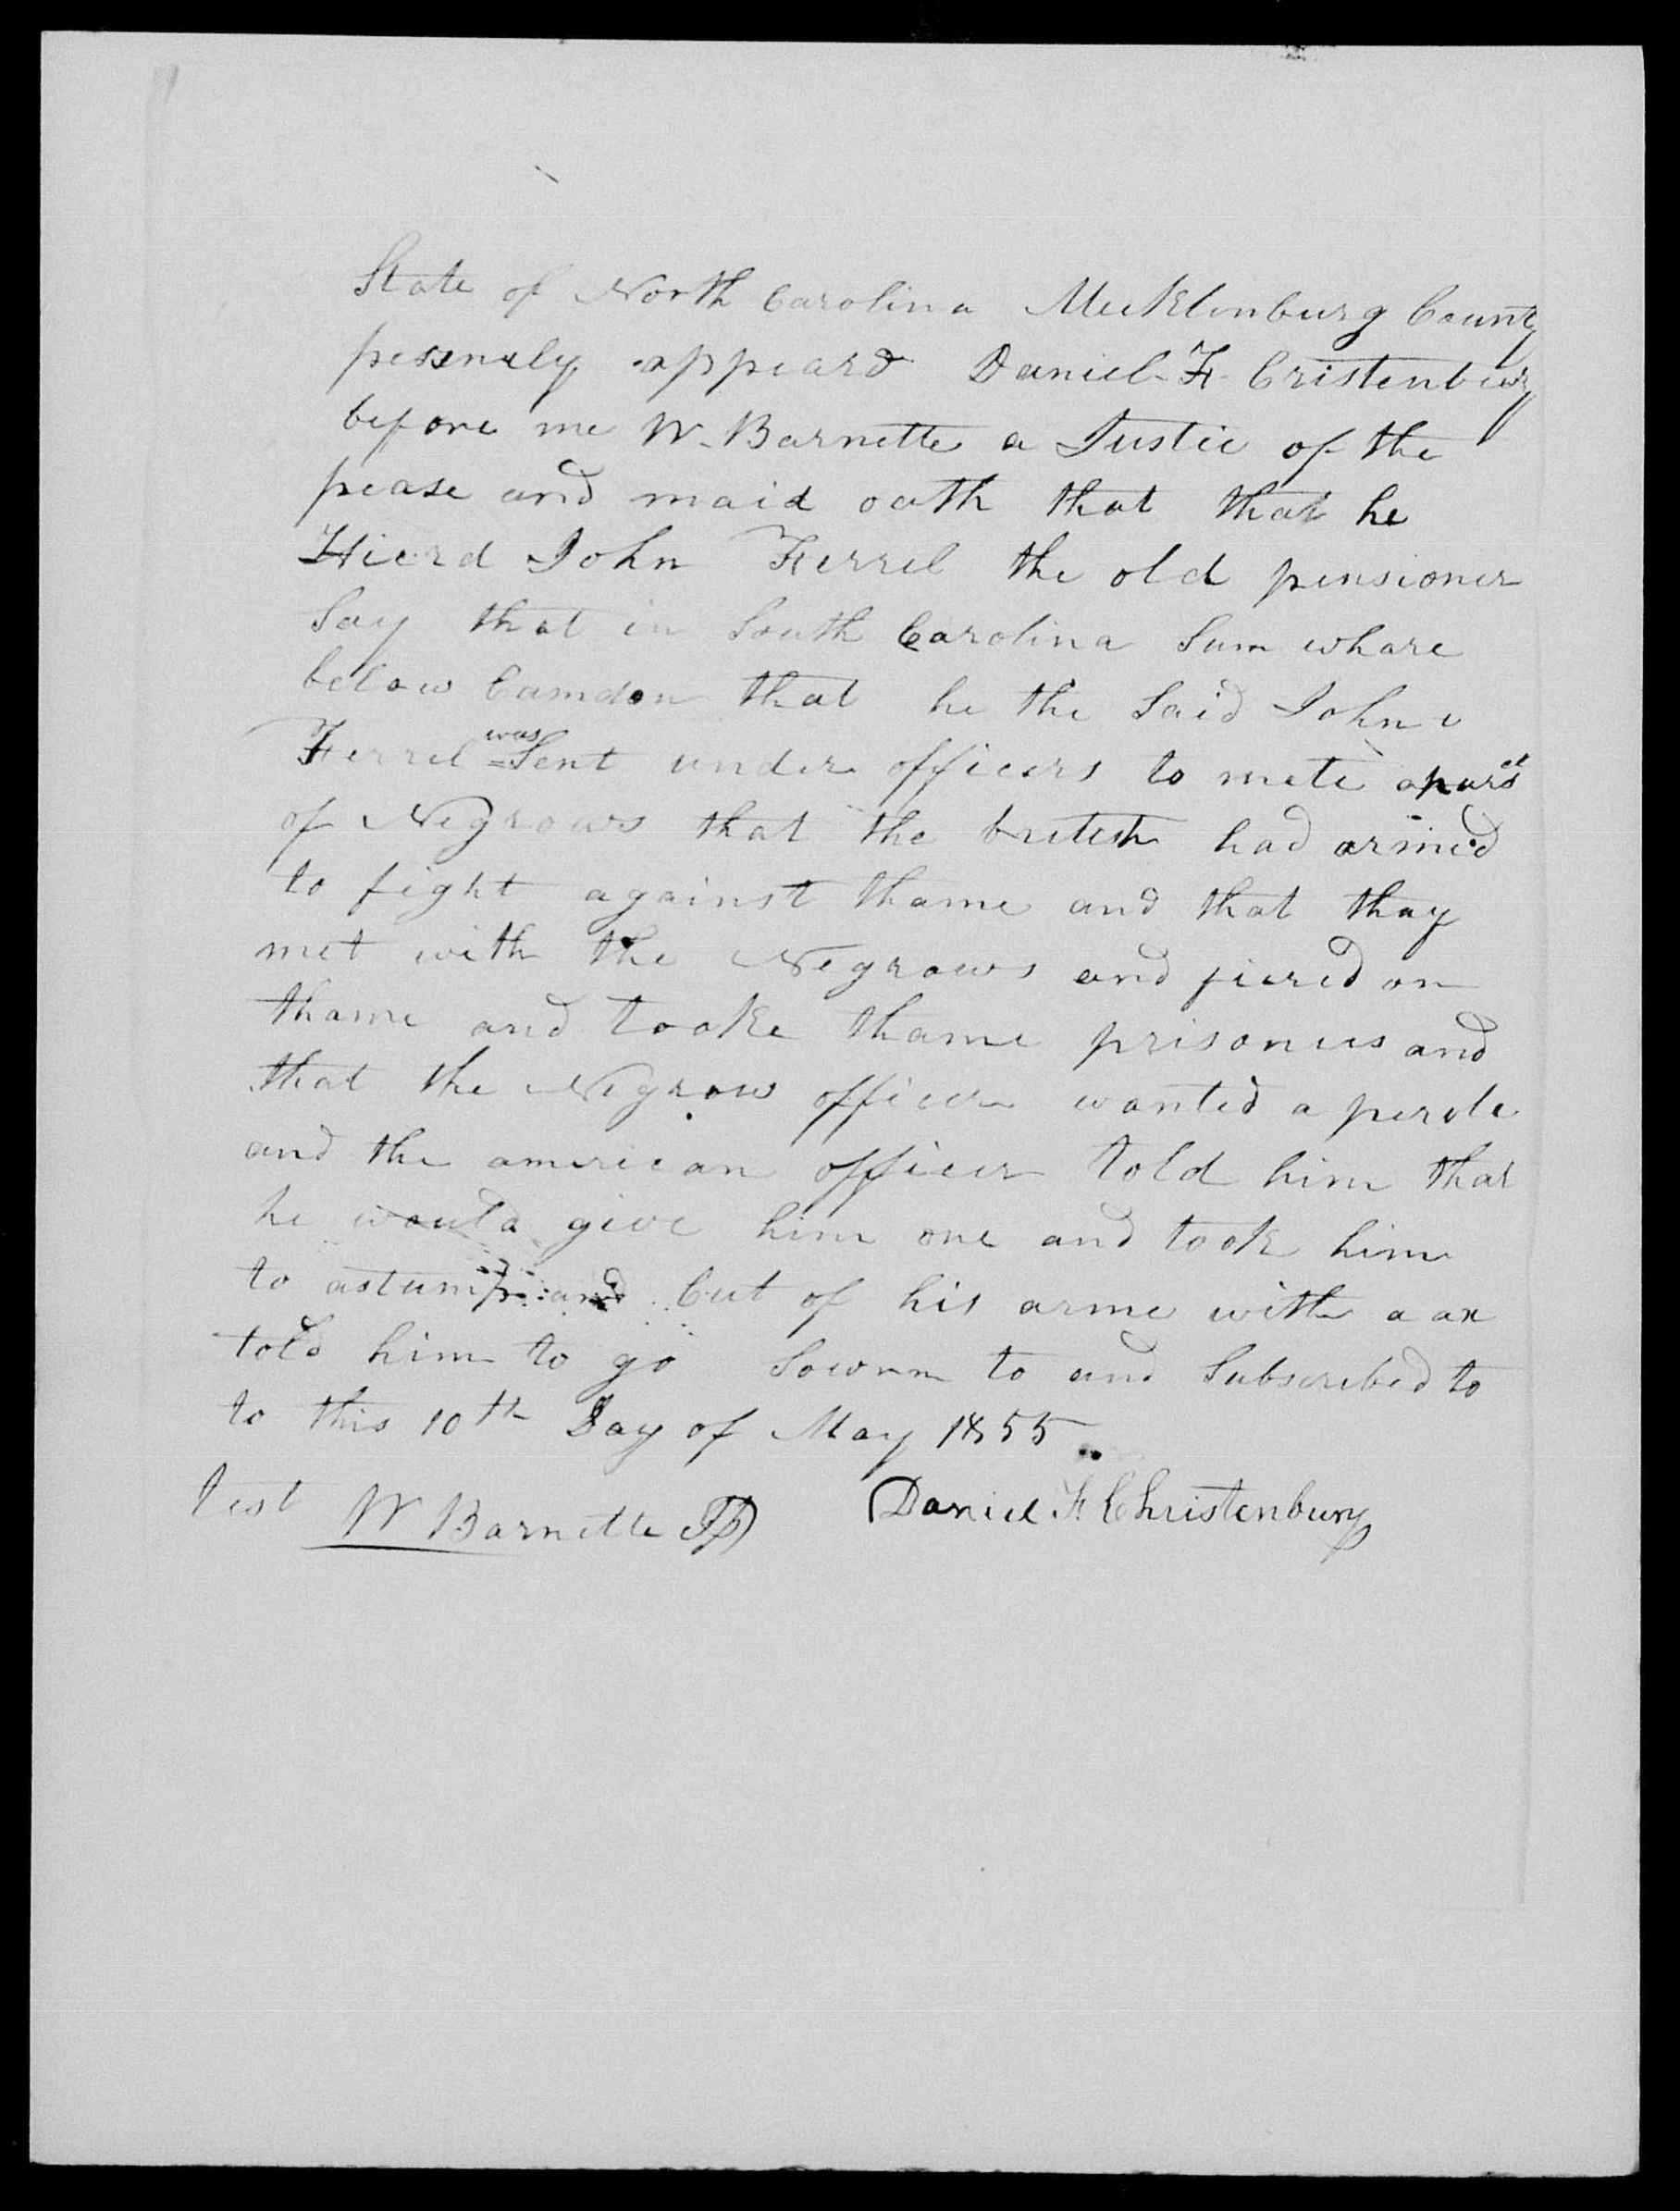State of North Carolina Mecklenburg County personally appeared Daniel F. Christenbury  before me W. Barnette a Justice of the Peace and maid oath that what he heard John Ferrel the old pensioner say that in South Carolina from where below Cameron that he the said John Ferrel was sent under officers to write :illegible: of Negrows that the British had armed to fight against thame and that thay met with the Negrows and fired on thame and took thame prisoners and and the Negrow officer wanted a perole and the American officer told him that he would give him one and took him to a stump and cut of his arme with a ax told him to go  Sworn to and Subscribed to this 10th Day of May 1855
Test W. Barnette JP Daniel F. Christenbury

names: John Ferrel, W Barnette, Daniel F Christenbery, W Barnette, Daniel F Christenbury, John Ferrel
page: 35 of 52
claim: rejected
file: R. 3,512, John Ferrell, N.C.